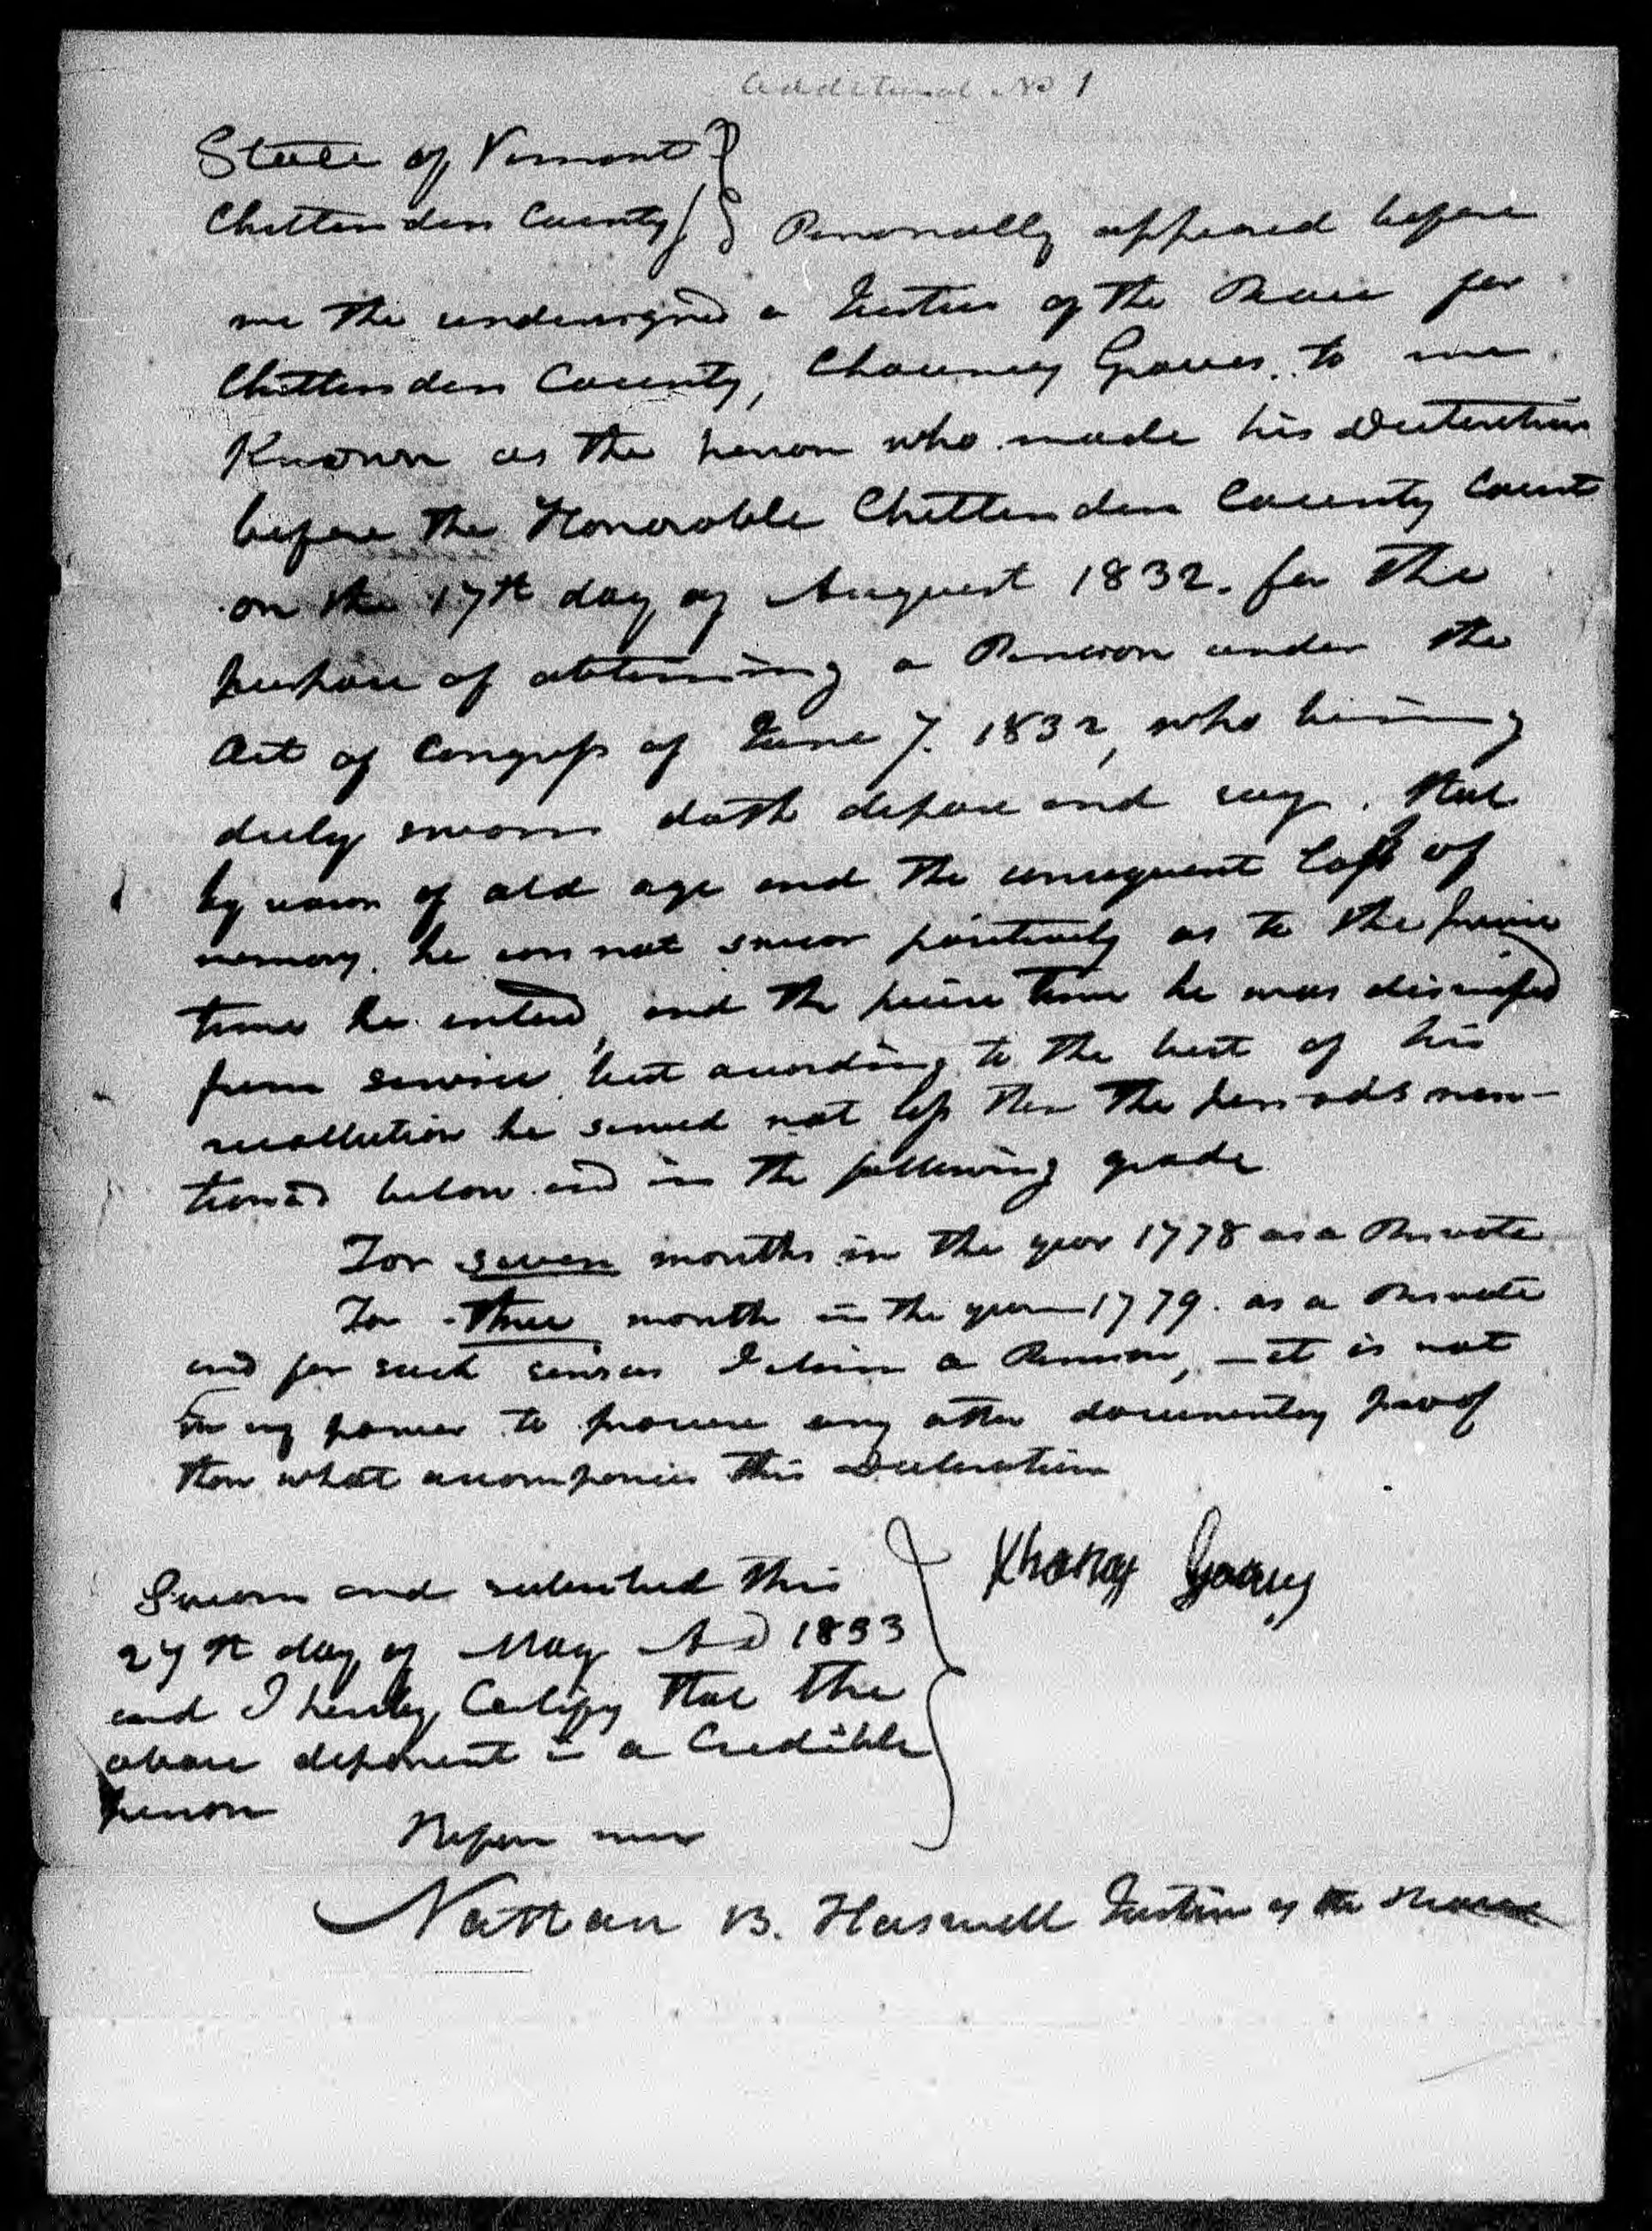State of Vermont
Chittenden County ⎬ Personally appeared before
me the undersigned a Justice of the Peace for
Chittenden County, Chauncy Graves to me Known as the person who made his declaration
before the Honorable Chittenden County Court
on the 17th day of August 1832 for the
purpose of obtaining a Pension under the
act of Congress of June 7, 1832, who him
duly sworn
doth depose and say that
by reason of old age and the consequent loss of
memory he cannot swear positively as to the
time he entered and the precise time he was dismissed from service but according to the best of his
recollection he served not less then the periods mentioned below and in the following grade
for seven months in the year 1778 as a private
For three months in the year 1779 as a private
and for such service I claim a pension, it is not
in my power to procure any other documentery proof
than what accompanies this Declaration
Chauncy Graves
Sworn and returned this 27th day of May AD 1833
And I hereby certify that the
above deponent is a credible person.
Before me
Nathan B. Haswell Justice of the peace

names: Chauncey Graves, Chancy Graves, Nathan B Haswell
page: 17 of 24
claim: survivor's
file: S. 15869, Chauncey Graves, Vt.